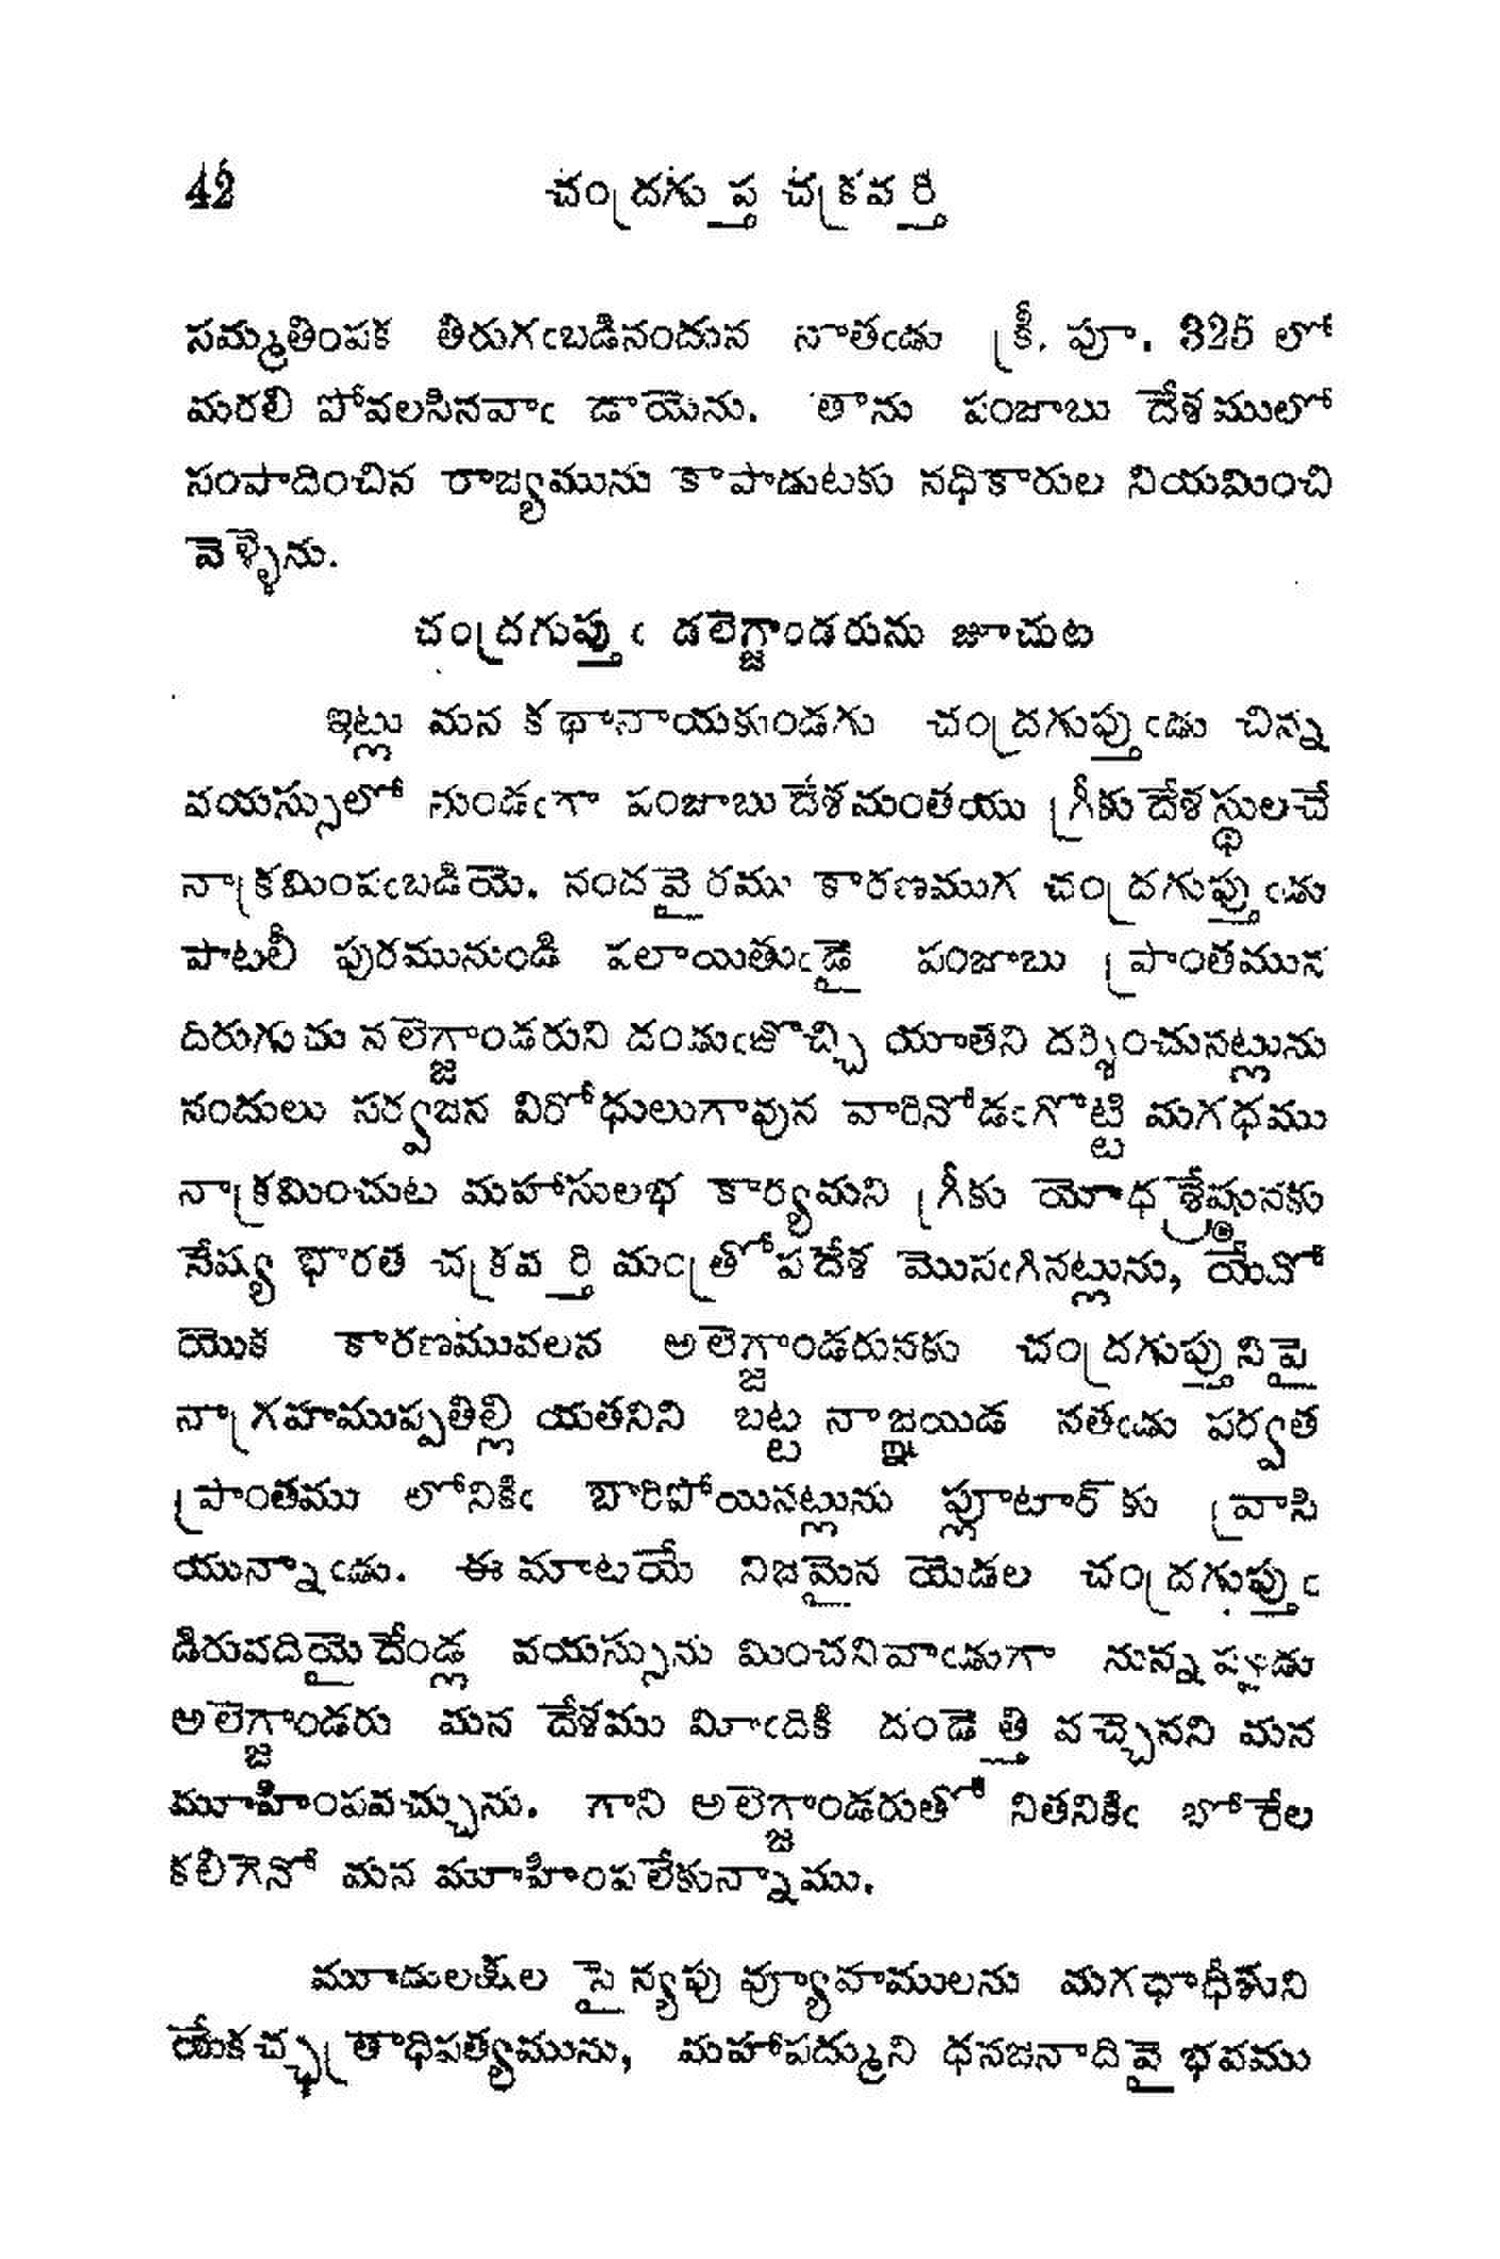సమ్మతింపక తిరుగఁబడినందున నాతఁడు క్రీ. పూ. 325 లో మరలి పోవలసినవాఁ డాయెను. తాను పంజాబు దేశములో సంపాదించిన రాజ్యమును కాపాడుటకు నధికారుల నియమించి వెళ్ళెను.

చంద్రగుప్తుఁ డలెగ్జాండరును జూచుట 

ఇట్లు మన కథానాయకుడగు చంద్రగుప్తుఁడు చిన్న వయస్సులో నుండఁగా పంజూబు దేశమంతయు గ్రీకుదేశస్థులచే నాక్రమింపఁబడియె. నందవైరము కారణముగ చంద్రగుప్తుడు పాటలీ పురమునుండి పలాయితుఁడై పంజాబు ప్రాంతమున దిరుగుచు నలెగ్జాండరుని దండుఁజొచ్చి యాతని దర్శించునట్లును నందులు సర్వజన విరోధులుగావున వారినోడఁగొట్టి మగధము నాక్రమించుట మహాసులభ కార్యమని గ్రీకు యోధశ్రేష్ఠునకు నేష్య భారత చక్రవర్తి మంత్రోపదేశ మొసఁగినట్లును, యేదో యొక కారణమువలన అలెగ్జాండరునకు. చంద్రగుప్తునిపై నాగ్రహముప్పతిల్లి యతనిని బట్ట నాజ్ఞయిడ నతఁడు పర్వత ప్రాంతము లోనికిఁ బారిపోయినట్లును ఫ్లూటార్‌కు వ్రాసి యున్నాఁడు. ఈ మాటయే నిజమైన యెడల చంద్రగుప్తుఁ డిరువదియైదేండ్ల వయస్సును మించనివాఁడుగా నున్నప్పుడు అలెగ్జాండరు. మన దేశము మీఁదికి దండెత్తి వచ్చెనని మన మూహింపవచ్చును. గాని అలెగ్జాండరుతో నీతనికిఁ భోరేల కలిగెనో మన మూహింపలేకున్నాము,

మూడులక్షల సైన్యపు వ్యూహములను మగధాధీశుని యేకచ్ఛత్రాధిపత్యమును, మహాపద్ముని ధనజనాదివై భవము